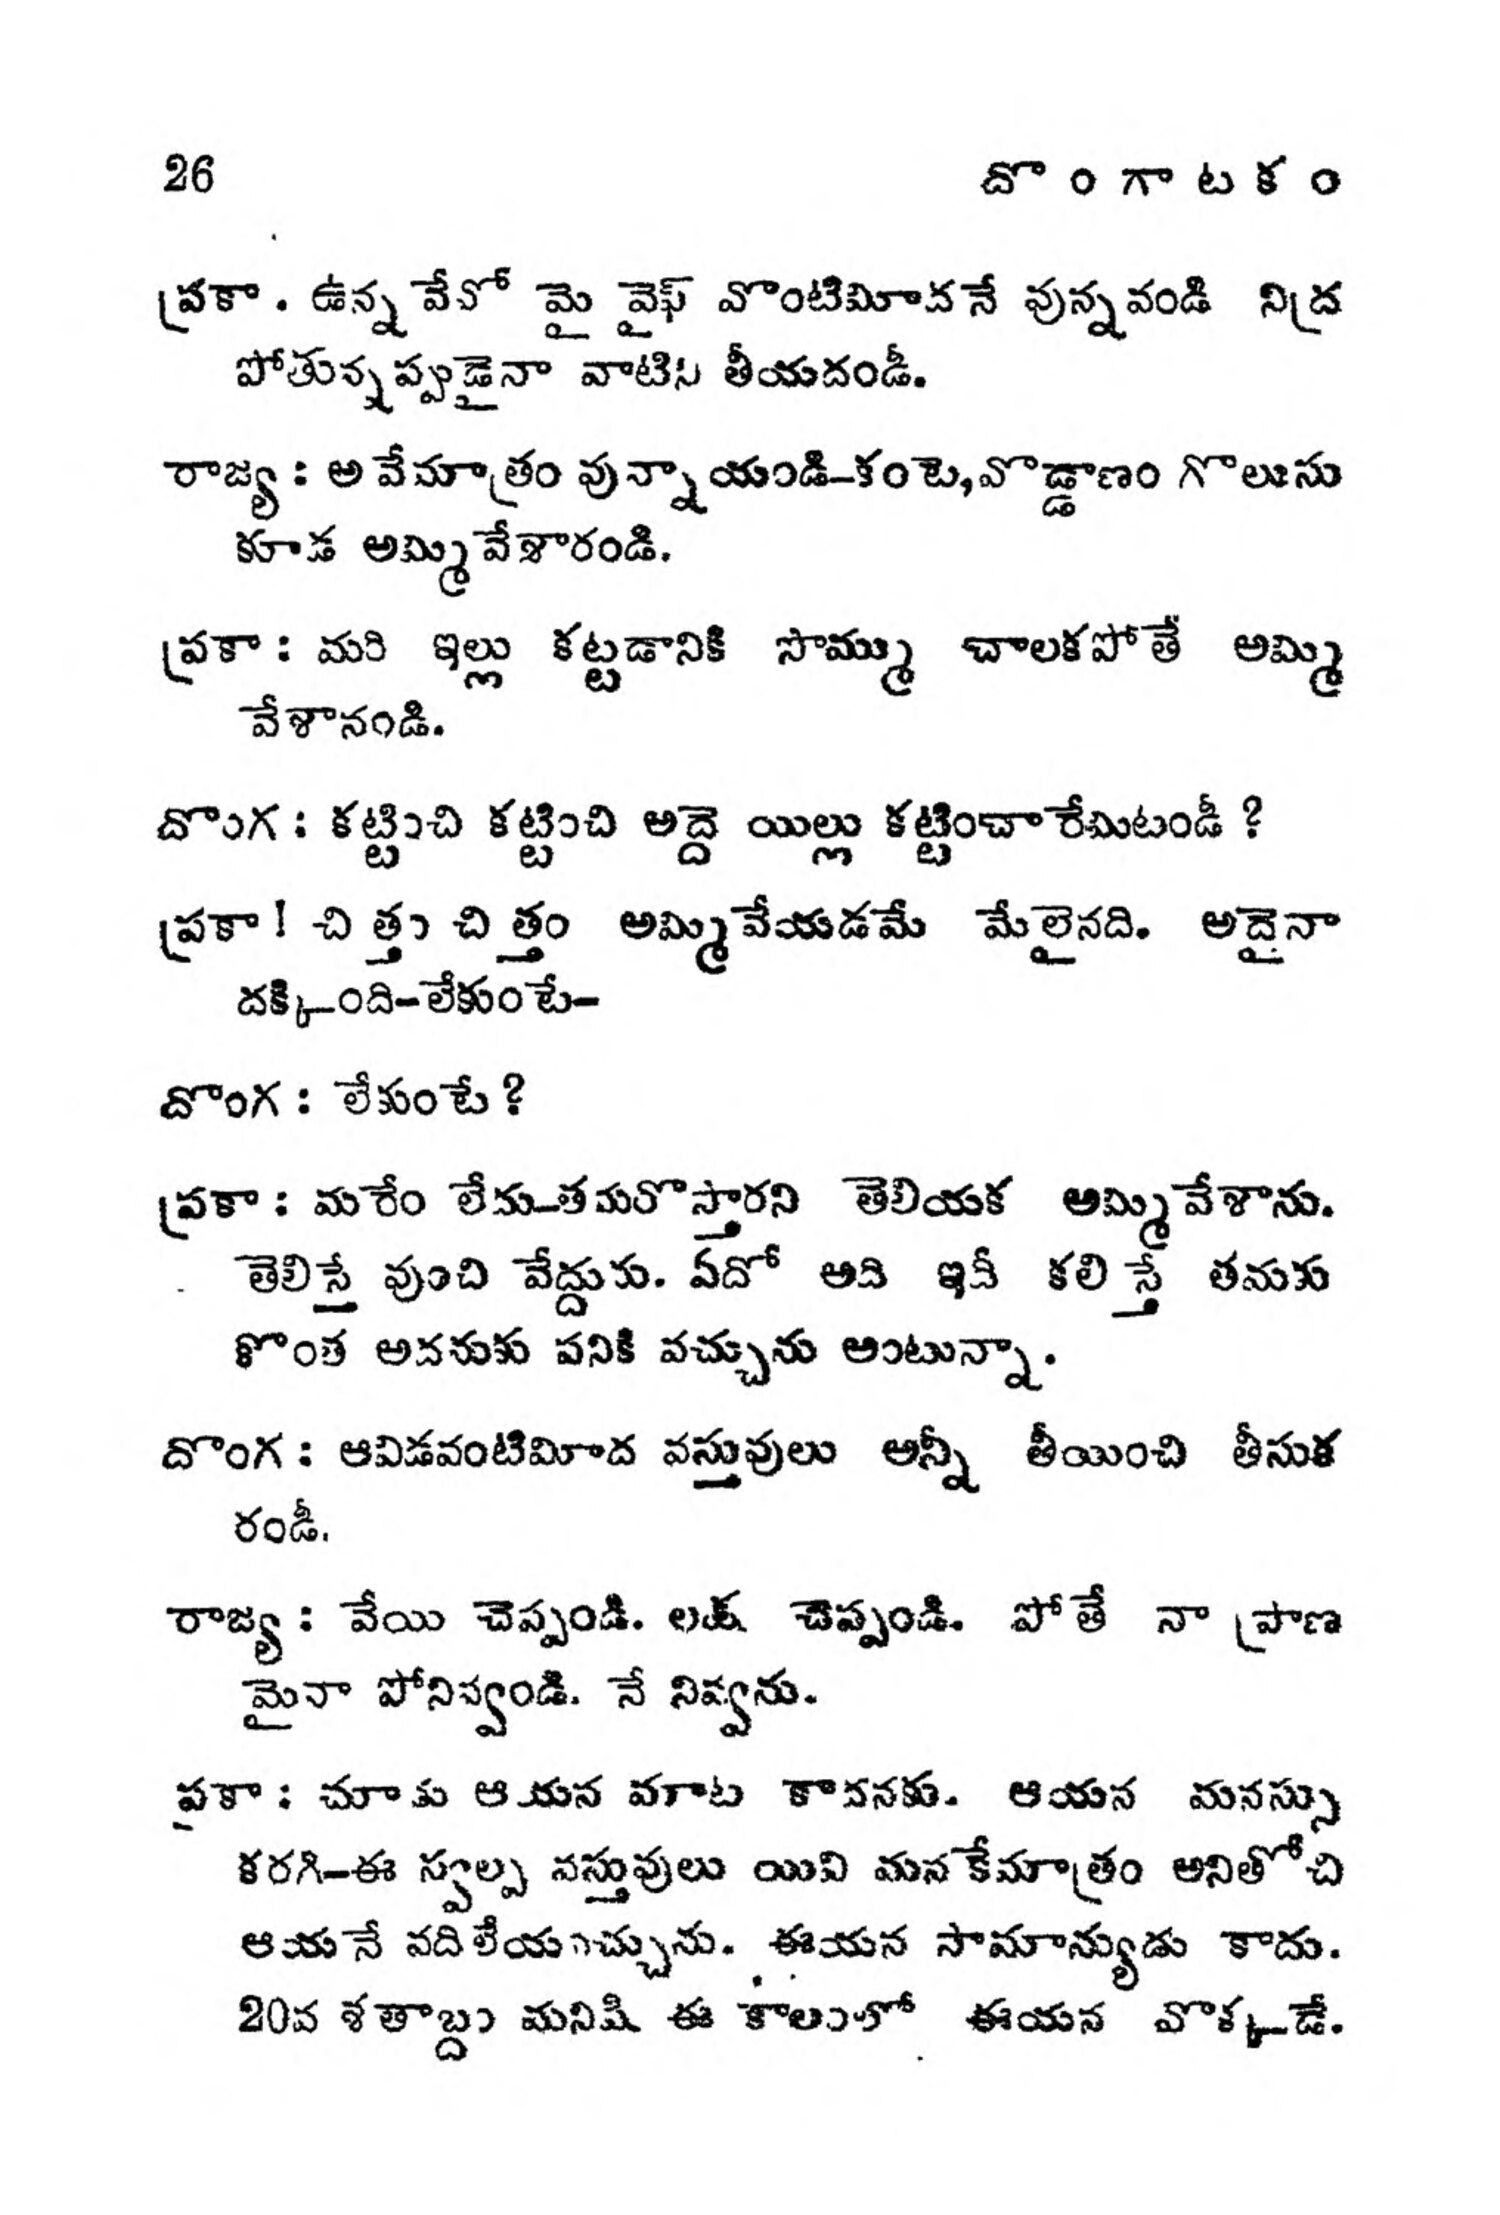ప్రకా : ఉన్న వేవో మై వైఫ్ వొంటిమీదనే వున్నవండి నిద్రపోతున్నప్పుడైనా వాటిని తీయదండీ.

రాజ్య : అవేమాత్రం వున్నాయండి-కంటె, వొడ్డాణం గొలుసు కూడ అమ్మివేశారండి.

ప్రకా : మరి ఇల్లు కట్టడానికి సొమ్ము చాలకపోతే అమ్మి వేశానండి.

దొంగ : కట్టించి కట్టించి అద్దె యిల్లు కట్టించారేమిటండీ?

ప్రకా : చిత్తం చిత్తం అమ్మివేయడమే మేలైనది. అదైనా దక్కింది- లేకుంటే-

దొంగ : లేకుంటే?

ప్రకా : మరేం లేదు - తమరొస్తారని తెలియక అమ్మివేశాను. తెలిస్తే వుంచి వేద్దును. ఏదో అది ఇదీ కలిస్తే తమకు
కొంత అదనుకు పనికి వచ్చును అంటున్నా.

దొంగ : ఆవిడవంటిమీద వస్తువులు అన్నీ తీయించి తీసుకరండీ.

రాజ్య : వేయి చెప్పండి. లక్ష చెప్పండి. పోతే నా ప్రాణమైనా పోనివ్వండి. నే నివ్వను.

ప్రకా : చూడు ఆయన మాట కాదనకు. ఆయన మనస్సు కరగి - ఈ స్వల్ప వస్తువులు యివి మనకేమాత్రం అనితోచి
ఆయనే వదిలేయవచ్చును. ఈయన సామాన్యుడు కాదు. 20వ శతాబ్దం మనిషి ఈ కాలంలో ఈయన వొక్కడే.